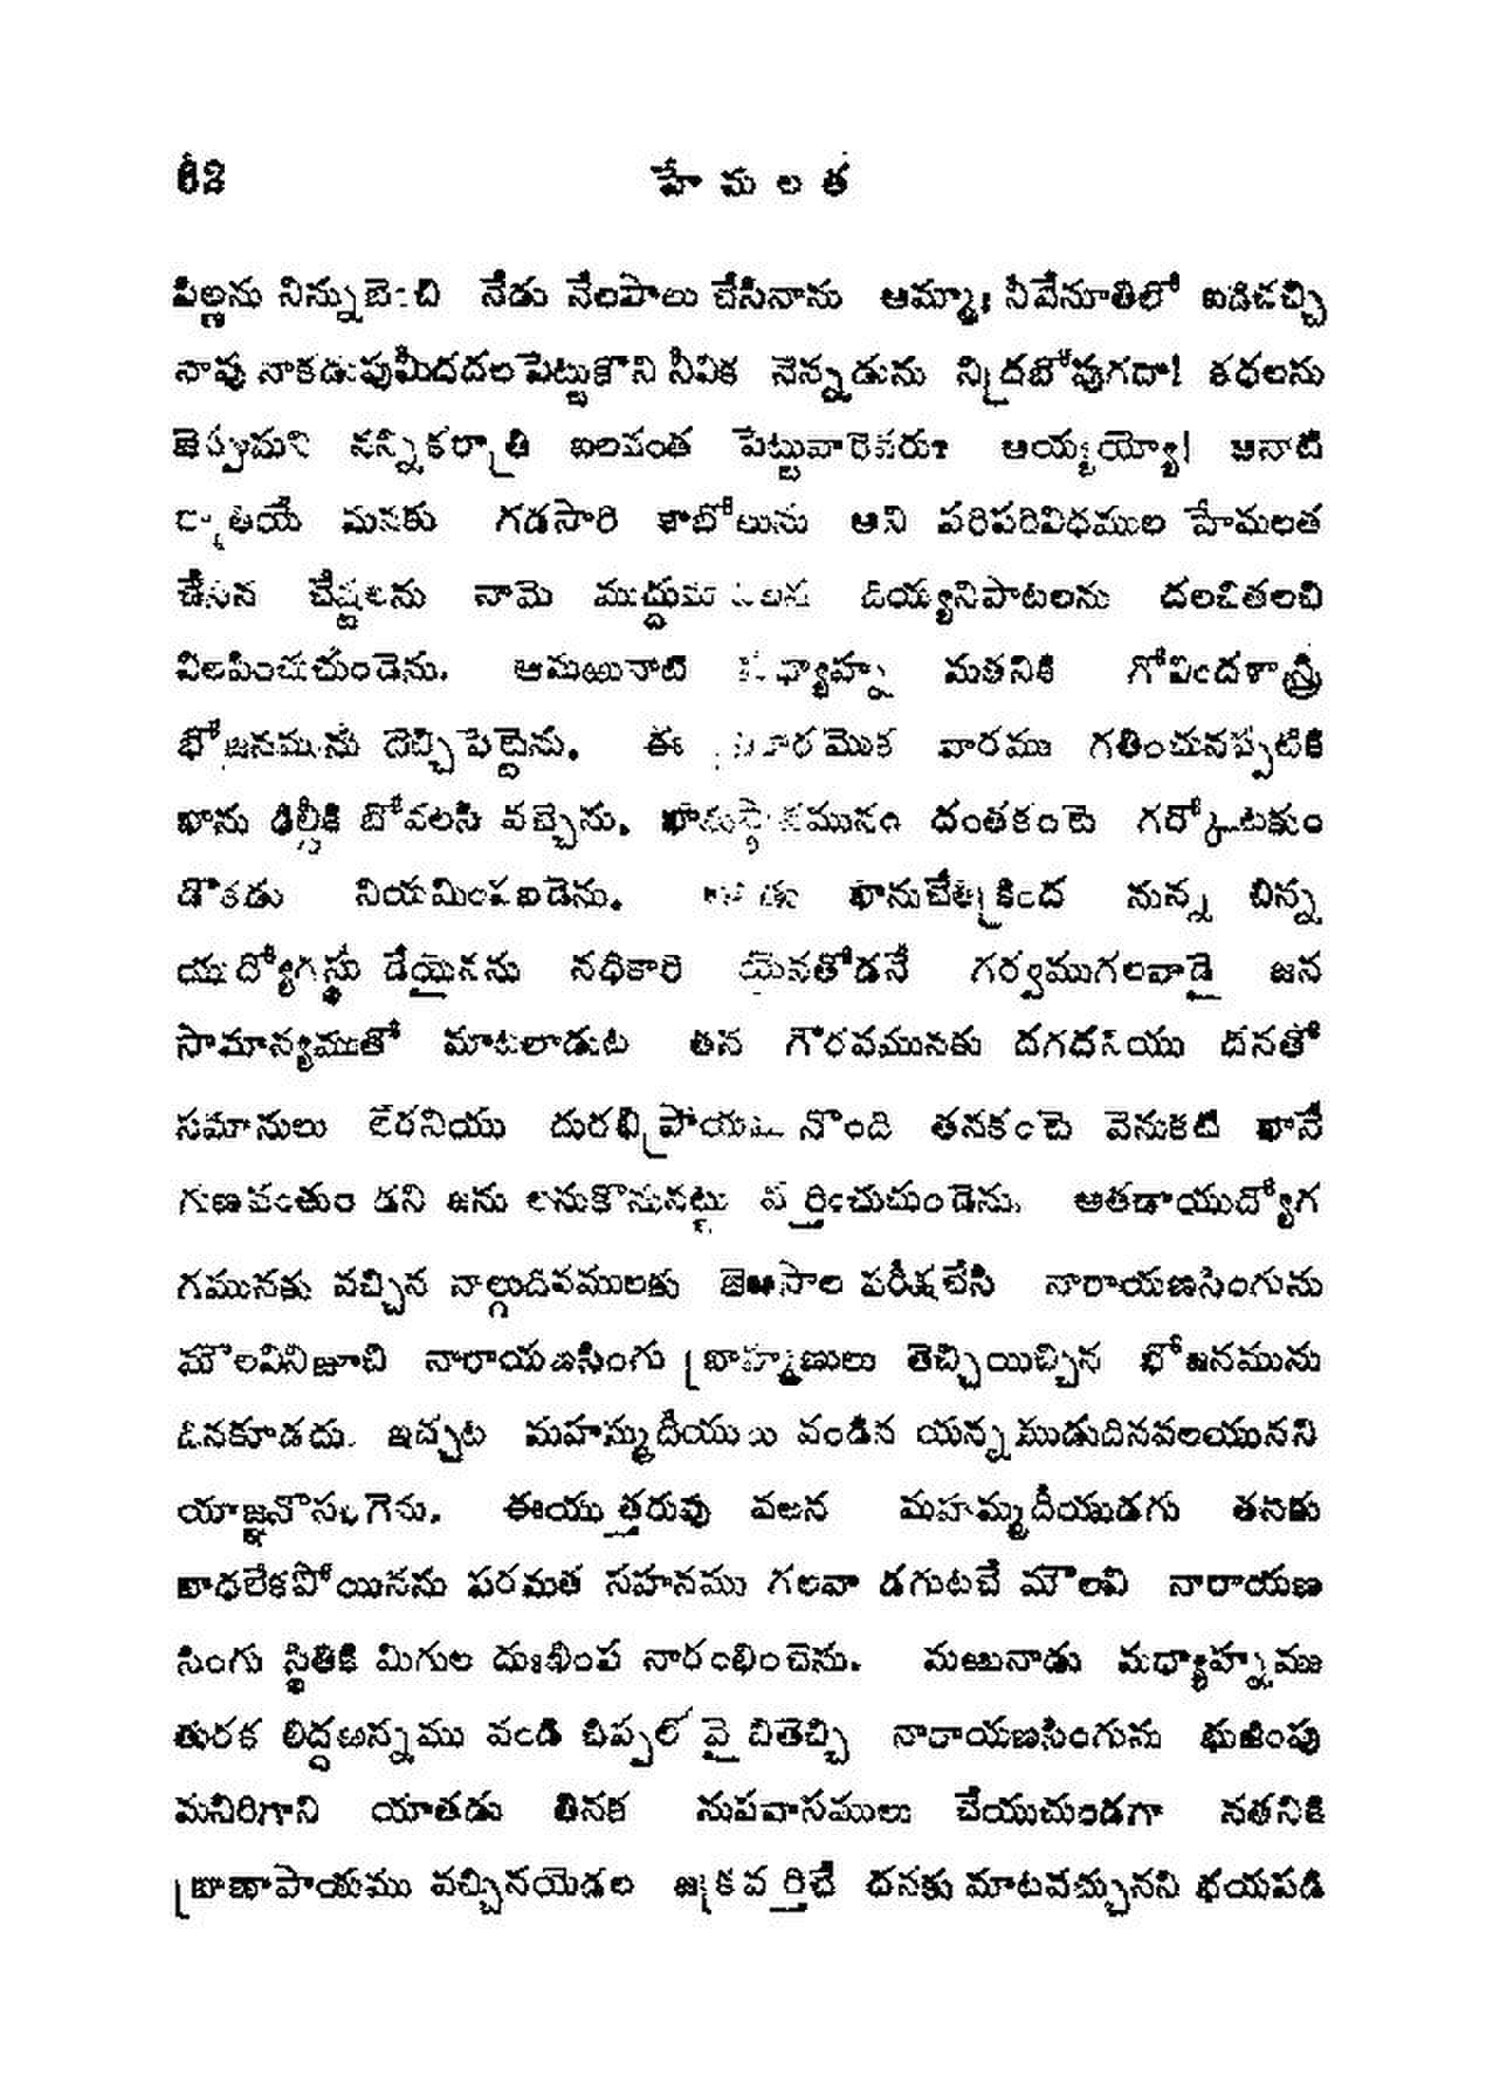పిల్లను నిన్నుబెంచి నేడు నేలపాలు చేసినాను. అమ్మా! నీవేనూతిలో బడిచచ్చినావు నాకడుపుమీదదలపెట్టు కొని నీవిక నెన్నడును నిద్రపోవుగదా! కథలను జెప్పమని నన్నికరాత్రి బలవంత పెట్టువారెవరు? అయ్యయ్యో! ఆనాటి రాత్రియే మనకు గడసారి కాబోలును అని పరిపరివిధముల హేమలత చేసిన చేష్టలను నామె ముద్దుమాటలను దియ్యనిపాటలను దలచితలచి విలపించుచుండెను. ఆమఱునాటి మధ్యాహ్న మతనికి గోవిందశాస్త్రి భోజనమును దెచ్చిపెట్టెను. ఈ ప్రకారమొక వారము గతించునప్పటికి ఖాను ఢిల్లీకి బోవలసి వచ్చెను. ఖానుస్థానమునం దంతకంటె గర్కోటకుండొకడు నియమింపబడెను. అతడు ఖానుచేతిక్రింద నున్న చిన్న యుద్యోగస్థు డేయైనను నధికారి యైనతోడనే గర్వముగలవాడై జనసామాన్యముతో మాటలాడుట తన గౌరవమునకు దగదనియు దనతో సమానులు లేరనియు దురభిప్రాయమునొంది తనకంటె వెనుకటి ఖానే గుణవంతుం డని జనులనుకొనునట్లు వర్తించుచుండెను. అతడాయుద్యోగమునకు వచ్చిన నాల్గుదినములకు జెఱసాల పరీక్షచేసి నారాయణసింగును మౌలవినిజూచి నారాయణసింగు బ్రాహ్మణులు తెచ్చి యిచ్చిన భోజనమును దినకూడదు. ఇచ్చట మహమ్మదీయులు వండిన యన్నముదినవలయు నని యాజ్ఞనొసంగెను. ఈయుత్తరవు వలన మహమ్మదీయుడగు తనకు బాధలేకపోయినను పరమత సహనము గలవా డగుటచే మౌలవి నారాయణసింగు స్థితికి మిగుల దుఃఖింప నారంభించెను. మఱునాడు మధ్యాహ్నము తురక లిద్దఱన్నము వండి చిప్పలోవైచితెచ్చి నారాయణ సింగును భుజింపుమనిరిగాని యాతడు తినక నుపవాసములు చేయుచుండగా నతనికి బ్రాణాపాయము వచ్చినయెడల జక్రవర్తిచే దనకు మాటవచ్చునని భయపడి